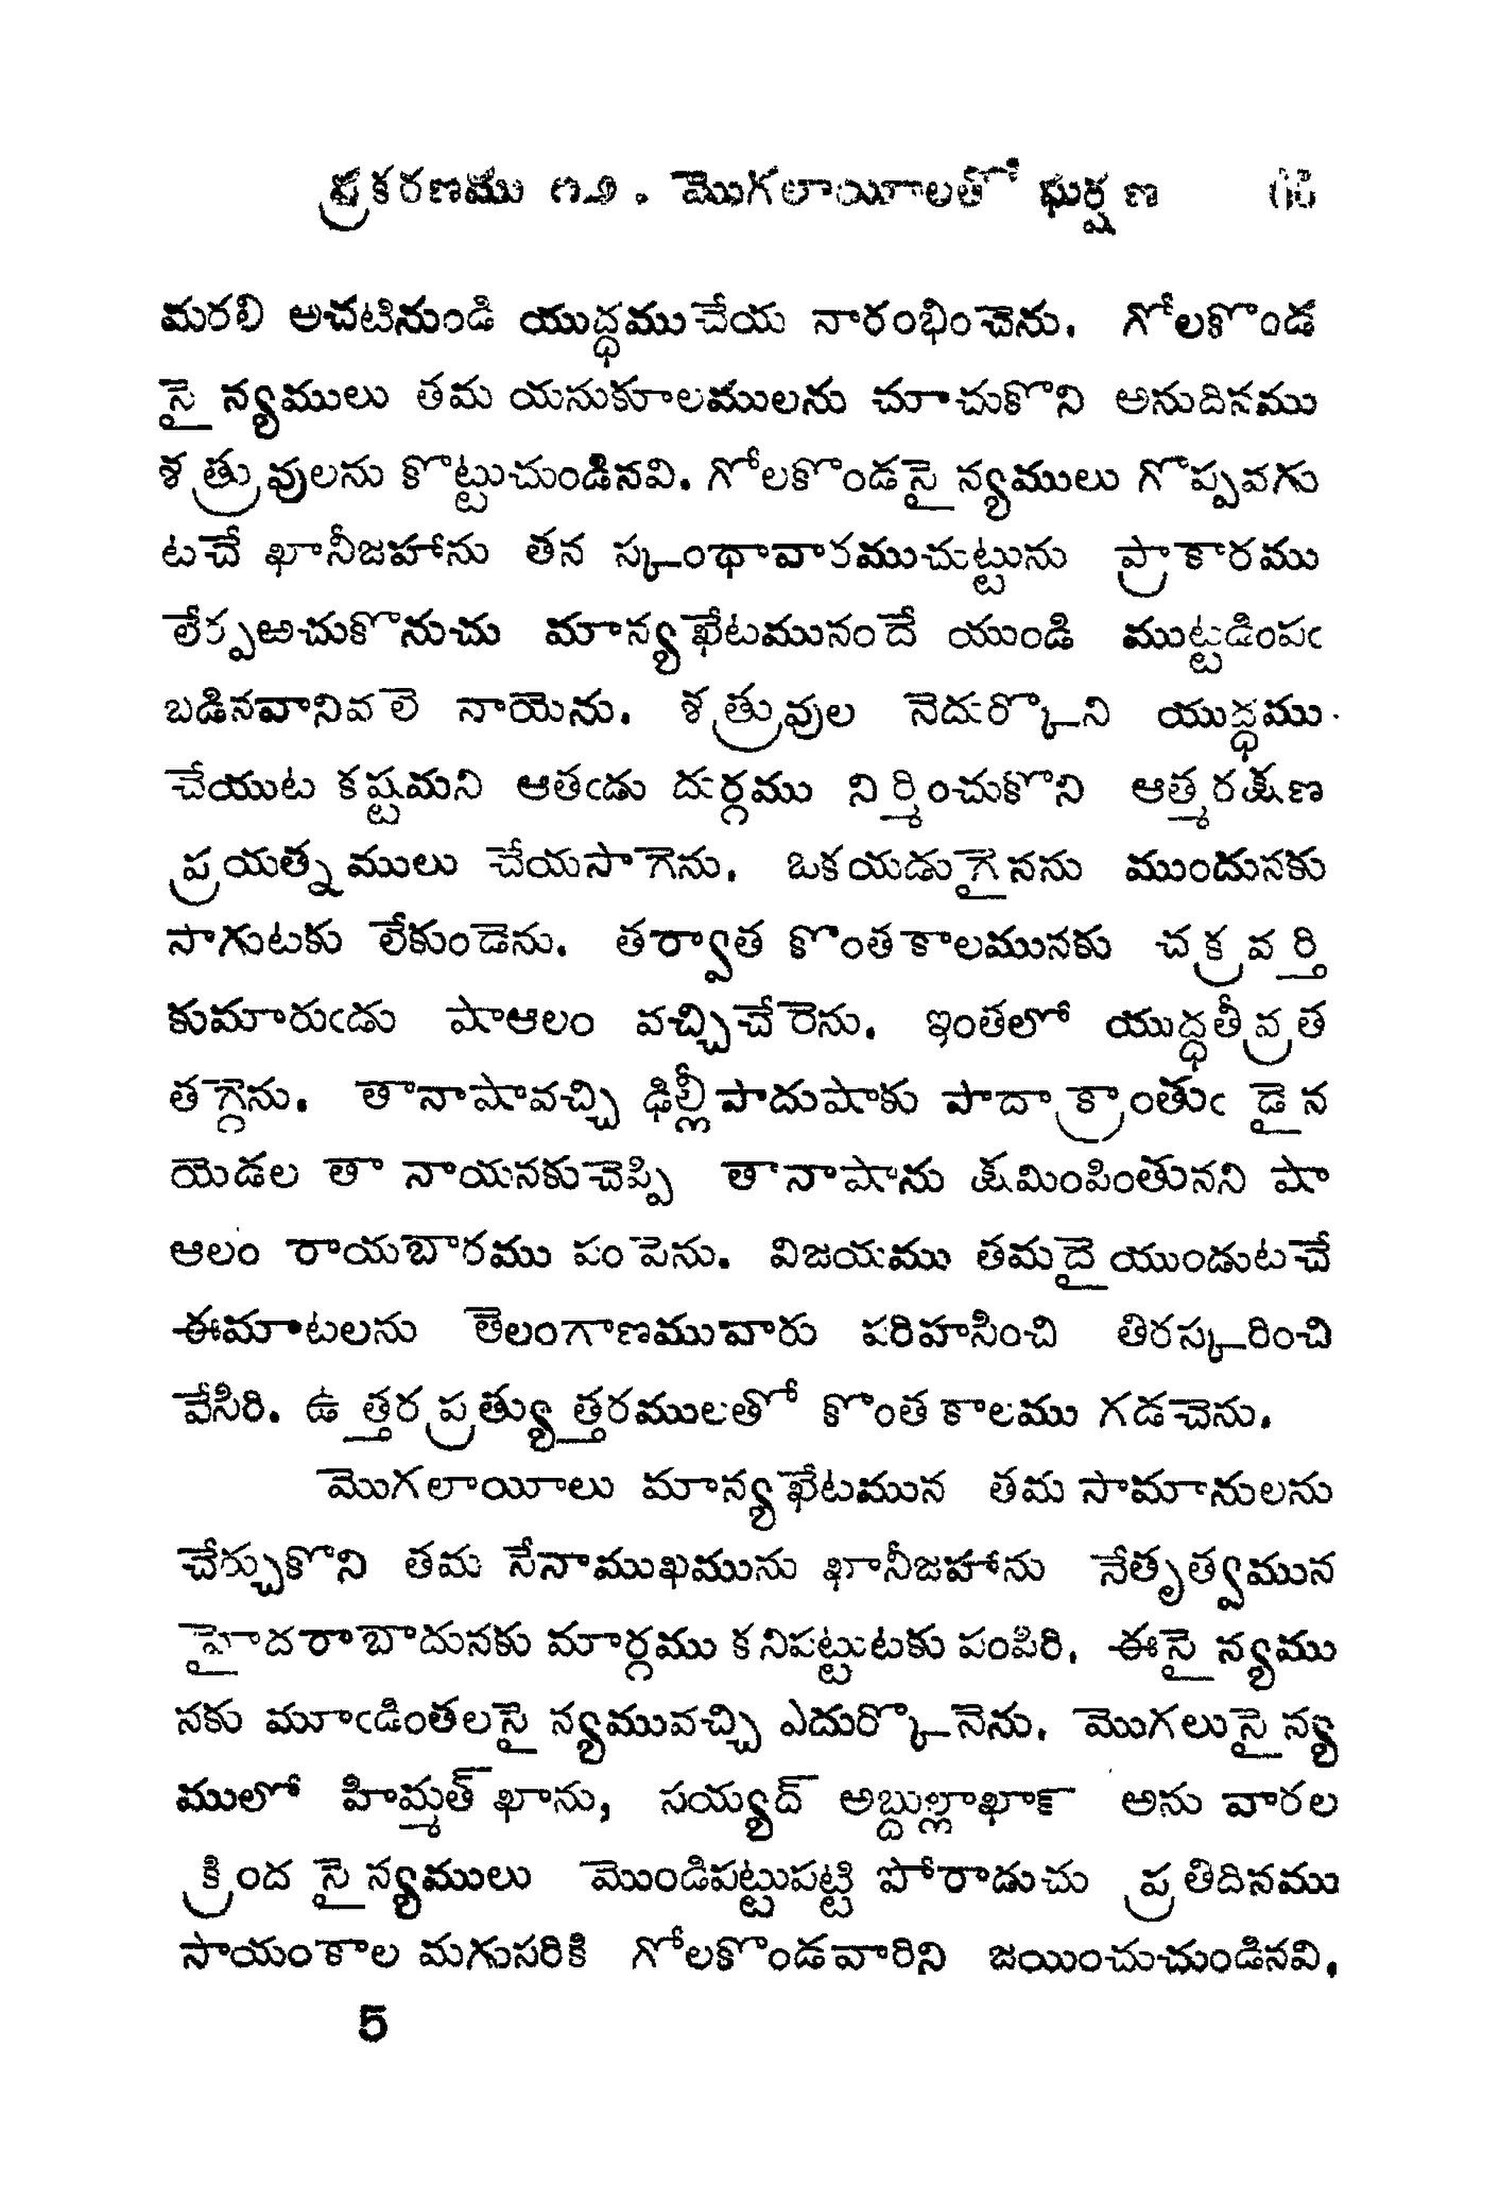మరలి అచటినుండి యుద్ధముచేయ నారంభించెను. గోలకొండ సైన్యములు తమ యనుకూలములను చూచుకొని అనుదినము శత్రువులను కొట్టుచుండినవి. గోలకొండసైన్యములు గొప్పవగుటచే ఖానీజహాను తన స్కంధావారముచుట్టును ప్రాకారము లేర్పఱచుకొనుచు మాన్యఖేటమునందే యుండి ముట్టడింపఁ బడినవానివలె నాయెను. శత్రువుల నెదుర్కొని యుద్ధము చేయుట కష్టమని ఆతఁడు దుర్గము నిర్మించుకొని ఆత్మరక్షణ ప్రయత్నములు చేయసాగెను. ఒకయడుగైనను ముందునకు సాగుటకు లేకుండెను. తర్వాత కొంతకాలమునకు చక్రవర్తి కుమారుఁడు షాఆలం వచ్చిచేరెను. ఇంతలో యుద్ధతీవ్రత తగ్గెను. తానాషావచ్చి ఢిల్లీపాదుషాకు పాదాక్రాంతుఁ డైన యెడల తా నాయనకుచెప్పి తానాషాను క్షమింపింతునని షాఆలం రాయబారము పంపెను. విజయము తమదైయుండుటచే ఈమాటలను తెలంగాణమువారు పరిహసించి తిరస్కరించి వేసిరి. ఉత్తరప్రత్యుత్తరములతో కొంత కాలము గడచెను.

మొగలాయీలు మాన్యఖేటమున తమ సామానులను చేర్చుకొని తమ సేనాముఖమును ఖానీజహాను నేతృత్వమున హైదరాబాదునకు మార్గము కనిపట్టుటకు పంపిరి. ఈసైన్యమునకు మూఁడింతలసైన్యమువచ్చి ఎదుర్కొనెను. మొగలుసైన్యములో హిమ్మత్‌ఖాను, సయ్యద్ అబ్దుల్లాఖాౝ అను వారల క్రింద సైన్యములు మొండిపట్టుపట్టి పోరాడుచు ప్రతిదినము సాయంకాల మగుసరికి గోలకొండవారిని జయించుచుండినవి.